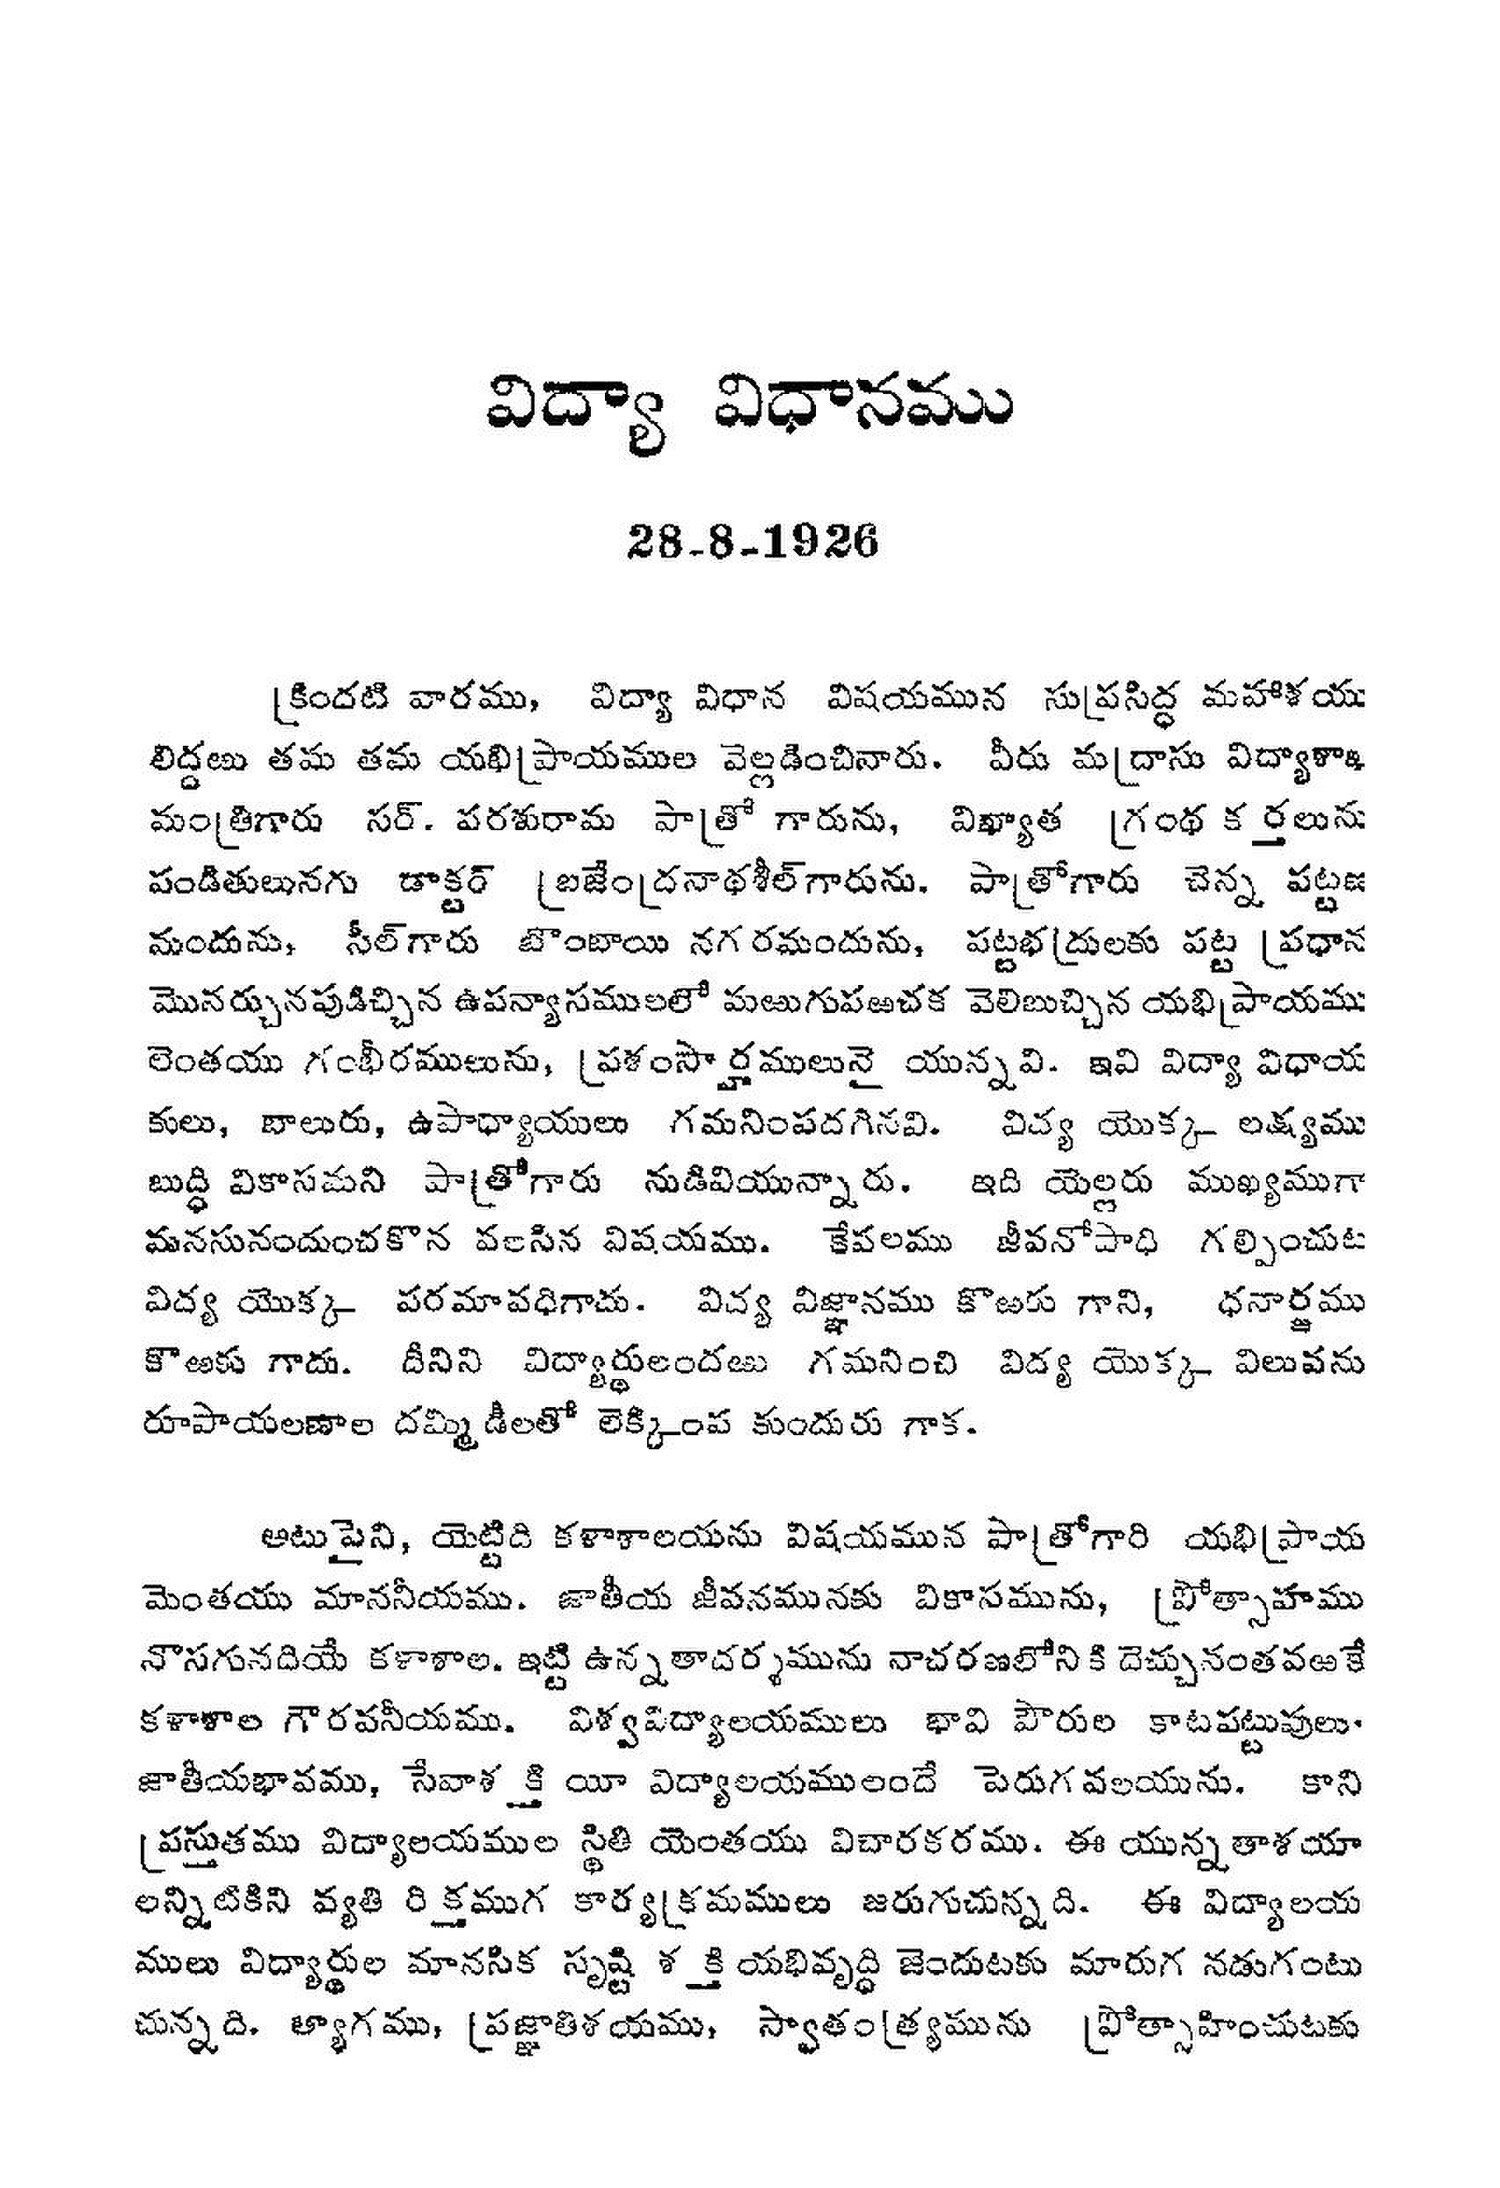విద్యా విధానము

28-8-1926

క్రిందటి వారము, విద్యా విధాన విషయమున సుప్రసిద్ధ మహాశయు లిద్దఱు తమ తమ యభిప్రాయముల వెల్లడించినారు. వీరు మద్రాసు విద్యాశాఖ మంత్రిగారు సర్. పరశురామ పాత్రో గారును, విఖ్యాత గ్రంథకర్తలును
పండితులునగు డాక్టర్ బ్రజేంద్రనాథశీల్‌గారును. పాత్రోగారు చెన్న పట్టణమందును, సీల్‌గారు బొంబాయి నగరమందును, పట్టభద్రులకు పట్ట ప్రధాన మొనర్చునపుడిచ్చిన ఉపన్యాసములలో మఱుగుపఱచక వెలిబుచ్చిన యభిప్రాయము లెంతయు గంభీరములును, ప్రశంసార్హములునై యున్నవి. ఇవి విద్యా విధాయకులు, బాలురు, ఉపాధ్యాయులు గమనింపదగినవి. విద్య యొక్క లక్ష్యము బుద్ధి వికాసమని పాత్రోగారు నుడివియున్నారు. ఇది యెల్లరు ముఖ్యముగా మనసునందుంచుకొన వలసిన విషయము. కేవలము జీవనోపాధి గల్పించుట విద్య యొక్క పరమావధిగాదు. విద్య విజ్ఞానము కొఱకు గాని, ధనార్జము కొఱకు గాదు. దీనిని విద్యార్థులందఱు గమనించి విద్య యొక్క విలువను రూపాయలణాల దమ్మిడీలతో లెక్కింప కుందురు గాక.

ఆటుపైని, యెట్టిది కళాశాలయను విషయమున పాత్రోగారి యభిప్రాయ మెంతయు మాననీయము. జాతీయ జీవనమునకు వికాసమును, ప్రోత్సాహము నొసగునదియే కళాశాల. ఇట్టి ఉన్నతాదర్శమును నాచరణలోనికి దెచ్చునంతవఱకే కళాశాల గౌరవనీయము. విశ్వవిద్యాలయములు భావి పౌరుల కాటపట్టువులు. జాతీయభావము, సేవాశక్తి యీ విద్యాలయములందే పెరుగవలయును. కాని ప్రస్తుతము విద్యాలయముల స్థితి యెంతయు విచారకరము. ఈ యున్నతాశయాలన్నిటికిని వ్యతి రిక్తముగ కార్యక్రమములు జరుగుచున్నది. ఈ విద్యాలయములు విద్యార్థుల మానసిక సృష్టి శక్తి యభివృద్ధి జెందుటకు మారుగ నడుగంటుచున్నది. త్యాగము, ప్రజ్ఞాతిశయము, స్వాతంత్ర్యమును ప్రోత్సాహించుటకు